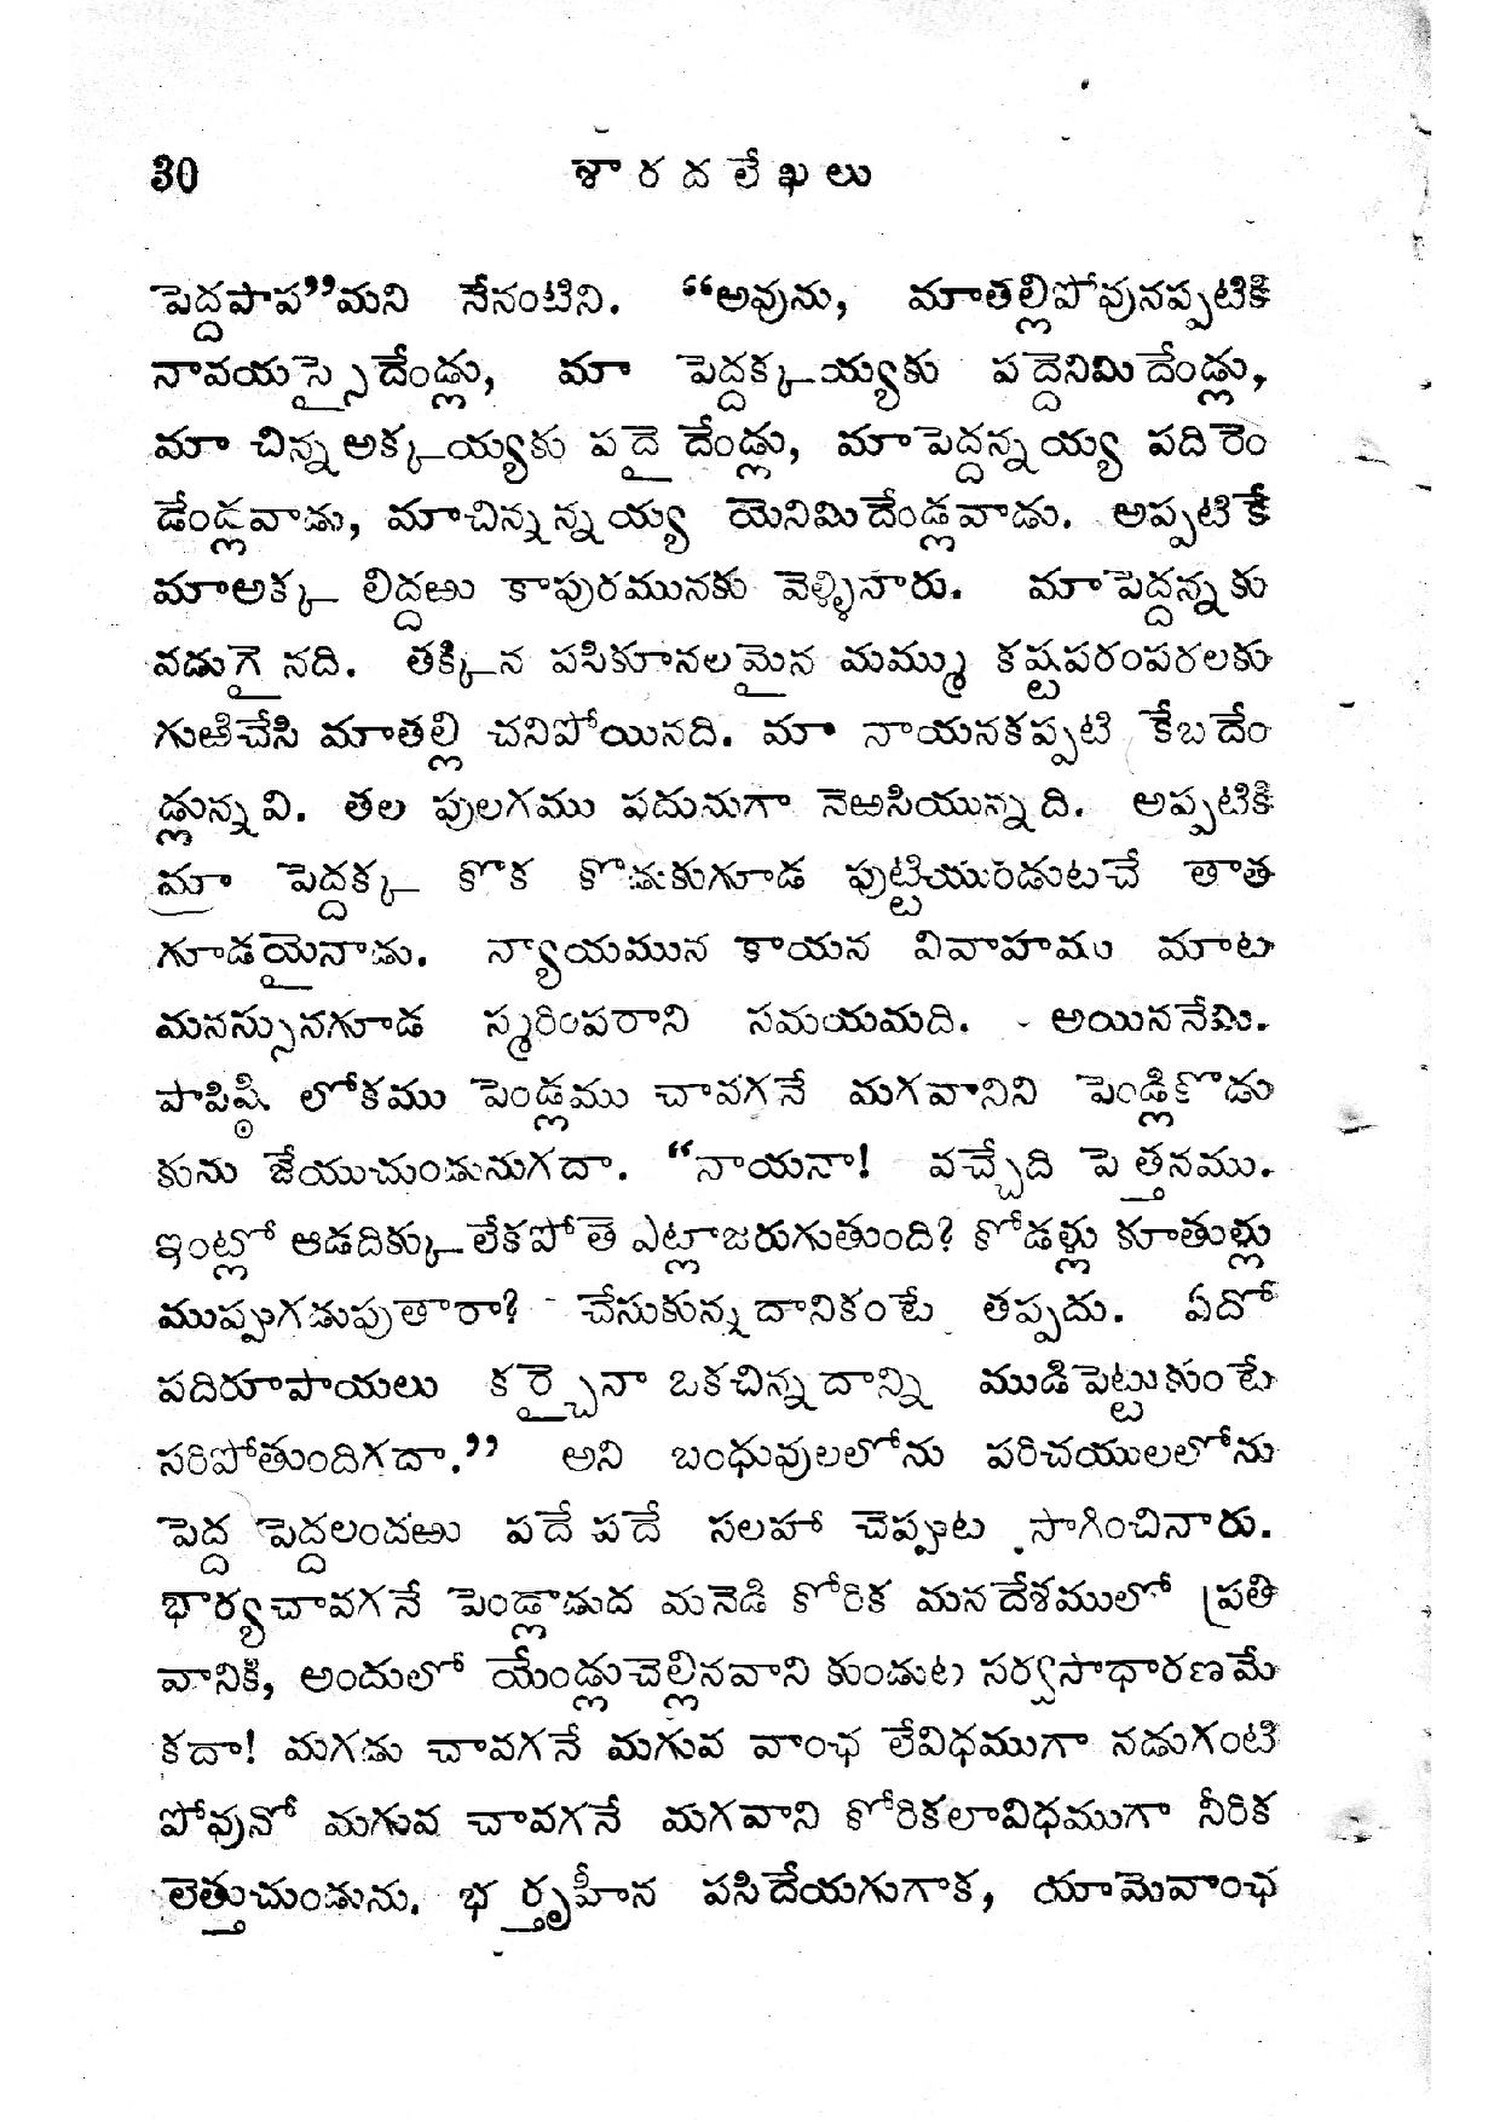పెద్దపాప”మని నేనంటిని. “అవును, మాతల్లిపోవునప్పటికి నావయస్సైదేండ్లు, మా పెద్దక్కయ్యకు పద్దెనిమిదేండ్లు, మా చిన్నఅక్కయ్యకు పదైదేండ్లు, మాపెద్దన్నయ్య పదిరెండేండ్లవాడు, మాచిన్నన్నయ్య యెనిమిదేండ్లవాడు. అప్పటికే మాఅక్క లిద్దఱు కాపురమునకు వెళ్ళినారు. మాపెద్దన్నకు వడుగైనది. తక్కిన పసికూనలమైన మమ్ము కష్టపరంపరలకు గుఱిచేసి మాతల్లి చనిపోయినది. మా నాయనకప్పటి కేబదేండ్లున్నవి. తల పులగము పదునుగా నెఱసియున్నది. అప్పటికి మా పెద్దక్క కొక కొడుకుగూడ పుట్టియుండుటచే తాత గూడయైనాడు. న్యాయమున కాయన వివాహము మాట మనస్సునగూడ స్మరింపరాని సమయమది. అయిననేమి. పాపిష్ఠి లోకము పెండ్లము చావగనే మగవానిని పెండ్లికొడుకును జేయుచుండునుగదా. “నాయనా! వచ్చేది పెత్తనము. ఇంట్లో ఆడదిక్కులేకపోతె ఎట్లాజరుగుతుంది? కోడళ్లు కూతుళ్లు ముప్పుగడుపుతారా? చేసుకున్నదానికంటే తప్పదు. ఏదో పదిరూపాయలు కర్చైనా ఒకచిన్నదాన్ని ముడిపెట్టుకుంటే సరిపోతుంది.” అని బంధువులలోను పరిచయులలోను పెద్ద పెద్దలందఱు పదే పదే సలహా చెప్పుట సాగించినారు. భార్యచావగనే పెండ్లాడుద మనెడి కోరిక మనదేశములో ప్రతివానికి, అందులో యేండ్లుచెల్లినవాని కుండుట సర్వసాధారణమే కదా! మగడు చావగనే మగువ వాంఛ లేవిధముగా నడుగంటిపోవునో మగువ చావగనే మగవాని కోరికలావిధముగా నీరిక లెత్తుచుండును. భర్తృహీన పసిదేయగుగాక, యామెవాంఛ